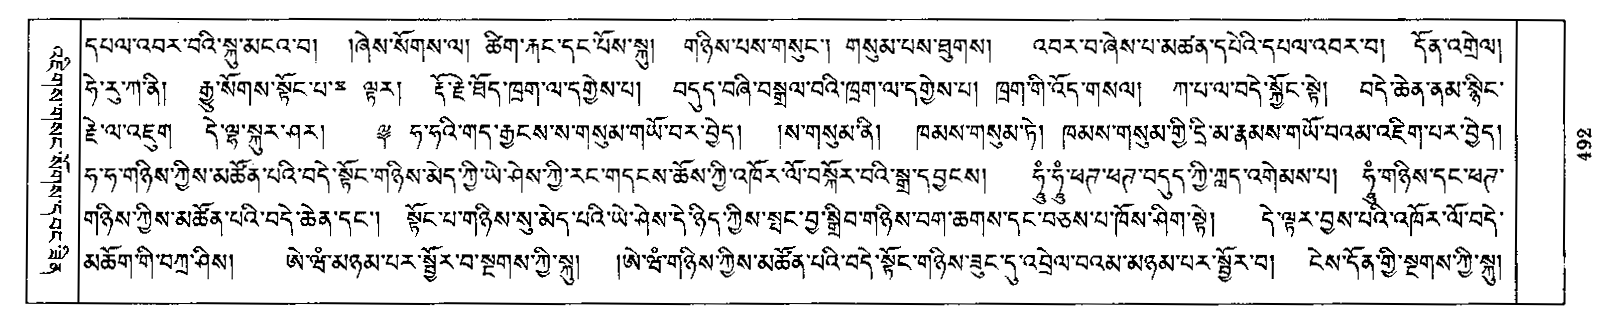དཔལ་འབར་བའི་སྐུ་མངའ་བ། །ཞེས་སོགས་ལ། ཚིག་རྐང་དང་པོས་སྐུ། གཉིས་པས་གསུང་། གསུམ་པས་ཐུགས། འབར་བ་ཞེས་པ་མཚན་དཔེའི་དཔལ་འབར་བ། དོན་འགྲེལ།
ཧེ་རུ་ཀ་ནི། རྒྱུ་སོགས་སྟོང་པ་྾་ལྟར། རྡོ་རྗེ་ཐོད་ཁྲག་ལ་དགྱེས་པ། བདུད་བཞི་བསྒྲལ་བའི་ཁྲག་ལ་དགྱེས་པ། ཁྲག་གི་འོད་གསལ། ཀ་པ་ལ་བདེ་སྐྱོང་སྟེ། བདེ་ཆེན་ནམ་སྙིང་
རྗེ་ལ་འཇུག་དེ་ལྷ་སྐུར་ཤར། ༈ ཧ་ཧའི་གད་རྒྱངས་ས་གསུམ་གཡོ་བར་བྱེད། །ས་གསུམ་ནི། ཁམས་གསུམ་ཏེ། ཁམས་གསུམ་གྱི་དྲི་མ་རྣམས་གཡོ་བའམ་འཇིག་པར་བྱེད།
ཧ་ཧ་གཉིས་ཀྱིས་མཚོན་པའི་བདེ་སྟོང་གཉིས་མེད་ཀྱི་ཡེ་ཤེས་ཀྱི་རང་གདངས་ཆོས་ཀྱི་འཁོར་ལོ་བསྐོར་བའི་སྒྲ་དབྱངས། ཧཱུཾ་ཧཱུཾ་ཕཊ་ཕཊ་བདུད་ཀྱི་ཀླད་འགེམས་པ། ཧཱུཾ་གཉིས་དང་ཕཊ་
གཉིས་ཀྱིས་མཚོན་པའི་བདེ་ཆེན་དང་། སྟོང་པ་གཉིས་སུ་མེད་པའི་ཡེ་ཤེས་དེ་ཉིད་ཀྱིས་སྤང་བྱ་སྒྲིབ་གཉིས་བག་ཆགས་དང་བཅས་པ་ཁོས་ཤིག་སྟེ། དེ་ལྟར་བྱས་པའི་འཁོར་ལོ་བདེ་
མཆོག་གི་བཀྲ་ཤིས། ཨེ་ཝཾ་མཉམ་པར་སྦྱོར་བ་སྔགས་ཀྱི་སྐུ། །ཨེ་ཝཾ་གཉིས་ཀྱིས་མཚོན་པའི་བདེ་སྟོང་གཉིས་ཟུང་དུ་འབྲེལ་བའམ་མཉམ་པར་སྦྱོར་བ། ངེས་དོན་གྱི་སྔགས་ཀྱི་སྐུ།